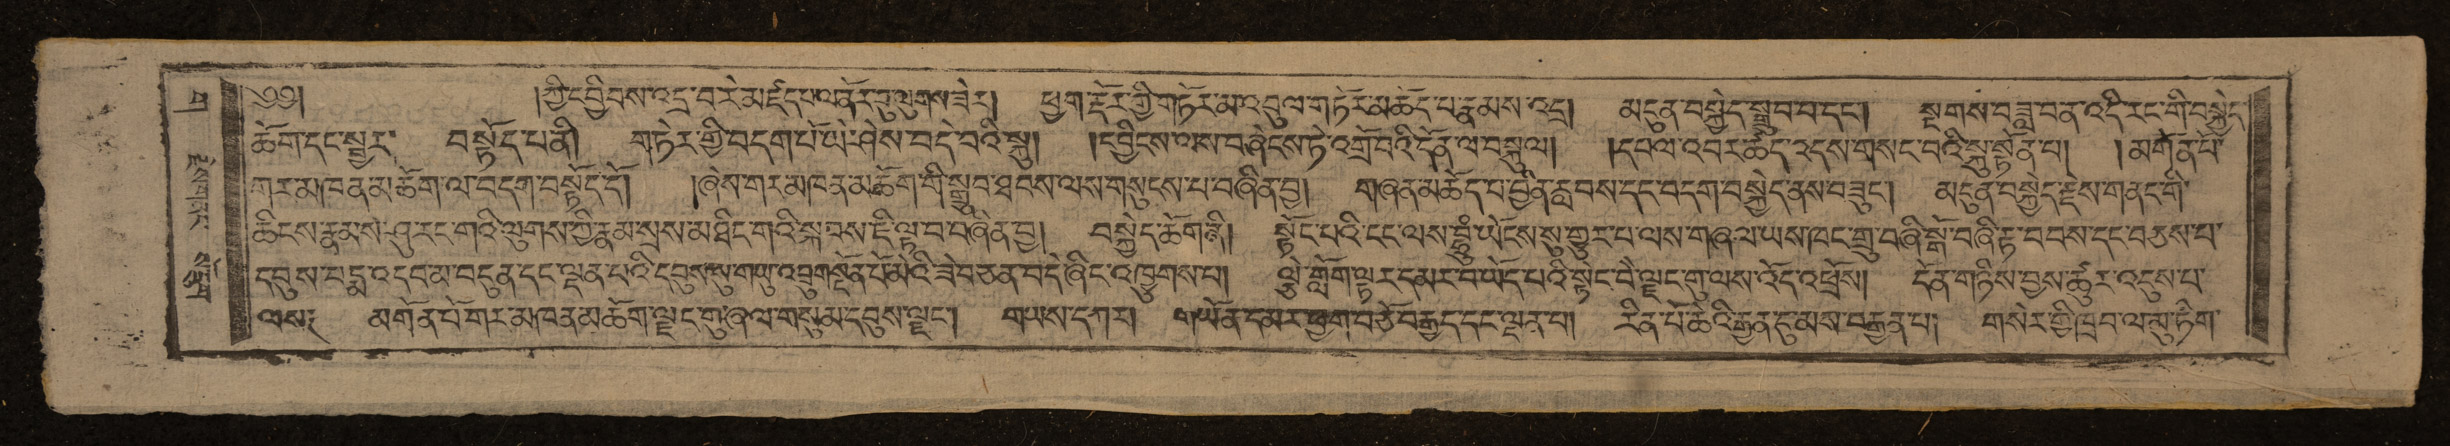༄༅། །ཀྱི་དབྱིབས་འདྲ་བ་རེ་མཛད་པ་ལ་ནོར་བུ་ལུགས་ཟེར། ཕྱག་རྡོར་གྱི་གཏོར་མ་འབུལ་གཏོར་མཆོད་པ་རྣམས་འདྲ། མདུན་བསྐྱེད་སྒྲུབ་པ་དང་། སྔགས་བཟླ་བ་ན་འདི་རང་གི་བསྐྱེད་
ཆོག་དང་སྦྱར། བསྟོད་པ་ནི། གཏེར་གྱི་བདག་པོ་ཡེ་ཤེས་བདེ་བའི་སྐུ། །དབྱིངས་ལས་བཞེངས་ཏེ་འགྲོ་བའི་དོན་ལ་བསྐུལ། །དཔལ་འབར་ཚད་འདས་གསང་བའི་སྐུ་སྟོན་པ། །མགོན་པོ་
གར་མཁན་མཆོག་ལ་བདག་བསྟོད་དོ། །ཞེས་གར་མཁན་མཆོག་གི་སྒྲུབ་ཐབས་ལས་གསུངས་པ་བཞིན་བྱ། གཞན་མཆོད་པ་བྱིན་རླབས་དང་བདག་བསྐྱེད་ནས་བཟུང་། མདུན་བསྐྱེད་རྗེས་གནང་གི་
ཆིངས་རྣམས་ཤུ་རང་གའི་ལུགས་ཀྱི་རྣམ་སྲས་མཐིང་གའི་སྐབས་ཇི་ལྟ་བ་བཞིན་བྱ། བསྐྱེད་ཆོག་ནི། སྟོང་པའི་ངང་ལས་བྷྲུཾ་ཡོངས་སུ་གྱུར་པ་ལས་གཞལ་ཡས་ཁང་གྲུ་བཞི་སྒོ་བཞི་རྟ་བབས་དང་བཅས་པ་
དབུས་པདམ་འདབ་མ་བདུན་དང་ལྡན་པའི་དབུས་སུ་གཡུ་འབྲུག་སྔོན་པོ་མེའི་ཟེ་བ་ཅན་བདེ་ཞིང་འཁྱུགས་པ། ལྕེ་གློག་ལྟར་དམར་བ་ཡོད་པའི་སྟེང་བཻ་ལྗང་གུ་ལས་འོད་འཕྲོས། དོན་གཉིས་བྱས་ཚུར་འདུས་པ་
ལས༑ མགོན་པོ་གར་མཁན་མཆོག་ལྗང་གུ་ཞལ་གསུམ་དབུས་ལྗང་། གཡས་དཀར། གཡོན་དམར་ཕྱག་བཅོ་བརྒྱད་དང་ལྡན་པ། རིན་པོ་ཆེའི་རྒྱན་དུ་མས་བརྒྱན་པ། གསེར་གྱི་ཁྲབ་ལ་མུ་ཏིག་